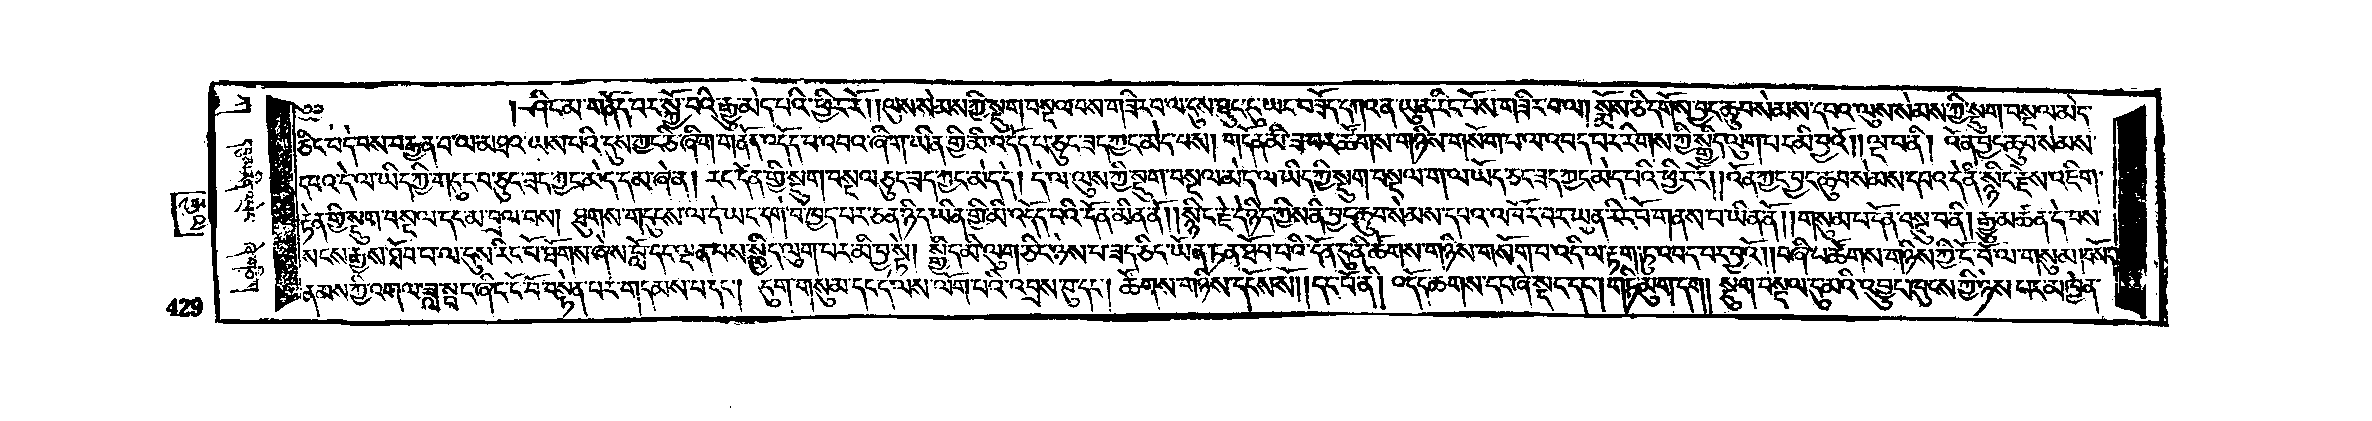༄༅། །ཤིང་མ་གནོད་པར་སྐྱོ་བའི་རྒྱུ་མེད་པའི་ཕྱིར་རོ། །ལུས་སེམས་ཀྱི་སྡུག་བསྔལ་བས་གཟིར་བ་ལ་དུས་ཐུང་ངུ་ཡང་བཟོད་དཀའ་ན་ཡུན་རིང་པོས་གཟིར་བ་ལ། སྨོས་ཅི་དགོས་བྱང་ཆུབ་སེམས་དཔའ་ལུས་སེམས་ཀྱི་སྡུག་བསྔལ་མེད་
ཅིང་བདེ་བས་བརྒྱན་པ་ལ་མཐའ་ཡས་པའི་དུས་ཀྱང་ཅི་ཞིག་གནོད་འདོད་པ་འབའ་ཞིག་ཡིན་གྱི་མི་འདོད་པ་ཅུང་ཟད་ཀྱང་མེད་པས། གདོན་མི་ཟ་བར་ཚོགས་གཉིས་གསོག་པ་ལ་འབད་པར་རིགས་ཀྱི་སྒྱིད་ལུག་པར་མི་བྱའོ། །ལྔ་པ་ནི། འོ་ན་བྱང་ཆུབ་སེམས་
དཔའ་དེ་ལ་ཡིད་ཀྱི་གདུང་བ་ཅུང་ཟད་ཀྱང་མེད་དམ་ཞེ་ན། རང་དོན་གྱི་སྡུག་བསྔལ་ཅུང་ཟད་ཀྱང་མེད་དེ། དེ་ལ་ལུས་ཀྱི་སྡུག་བསྔལ་མེད་ལ་ཡིད་ཀྱི་སྡུག་བསྔལ་ག་ལ་ཡོད་ཅུང་ཟད་ཀྱང་མེད་པའི་ཕྱིར་རོ། །འོན་ཀྱང་བྱང་ཆུབ་སེམས་དཔའ་དེ་ནི་སྙིང་རྗེས་འཇིག་
རྟེན་གྱི་སྡུག་བསྔལ་དང་མ་བྲལ་བས། ཐུགས་གདུངས་ལ་དེ་ཡང་དགེ་བ་ཁྱད་པར་ཅན་ཉིད་ཡིན་གྱི་མི་འདོད་པའི་དོན་མིན་ནོ། །སྙིང་རྗེ་དེ་ཉིད་ཀྱིས་ནི་བྱང་ཆུབ་སེམས་དཔའ་འཁོར་བར་ཡུན་རིང་པོ་གནས་པ་ཡིན་ནོ། །གསུམ་པ་དོན་བསྡུ་བ་ནི། རྒྱུ་མཚན་དེ་བས་
སངས་རྒྱས་ཐོབ་པ་ལ་དུས་རིང་པོ་ཐོགས་ཞེས་བློ་དང་ལྡན་པས་སྒྱིད་ལུག་པར་མི་བྱ་སྟེ། སྒྱིད་མི་ལུག་ཅིང་ཉེས་པ་ཟད་ཅིང་ཡོན་ཏན་ཐོབ་པའི་དོན་དུ་ནི་ཚོགས་གཉིས་གསོག་པ་འདི་ལ་རྟག་ཏུ་འབད་པར་བྱའོ། །བཞི་པ་ཚོགས་གཉིས་ཀྱི་ངོ་བོ་ལ་གསུམ། བསོད་
ནམས་ཀྱི་འགལ་ཟླ་སྤང་ཞིང་ངོ་བོ་བསྟེན་པར་གདམས་པ་དང་། དུག་གསུམ་དང་དེ་ལས་ལོག་པའི་འབྲས་བུ་དང་། ཚོགས་གཉིས་དངོས་སོ། །དང་པོ་ནི། འདོད་ཆགས་དང་ཞེ་སྡང་དང་། གཏི་མུག་དག །སྡུག་བསྔལ་དུ་མའི་འབྱུང་ཁུངས་ཀྱི་ཉེས་པར་མཁྱེན་